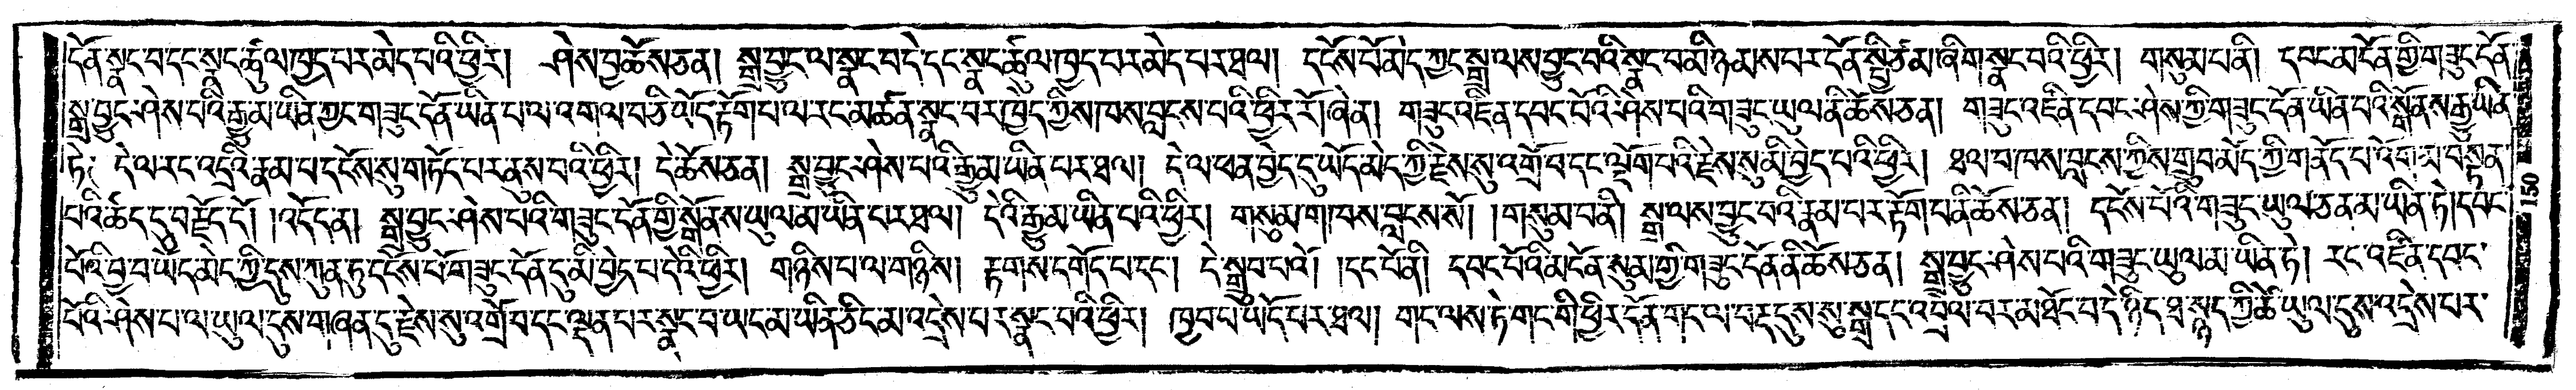དོན་སྣང་བ་དང་སྣང་ཚུལ་ཁྱད་པར་མེད་པའི་ཕྱིར། ཤེས་བྱ་ཆོས་ཅན། སྒྲ་བྱུང་ལ་སྣང་བ་དེ་དང་སྣང་ཚུལ་ཁྱད་པར་མེད་པར་ཐལ། དངོས་པོ་མེད་ཀྱང་སྒྲ་ལས་བྱུང་བའི་སྣང་བ་མི་ཉམས་པར་དོན་སྤྱི་ཙམ་ཞིག་སྣང་བའི་ཕྱིར། གསུམ་པ་ནི། དབང་མངོན་གྱི་གཟུང་དོན་
སྒྲ་བྱུང་ཤེས་པའི་རྒྱུ་མ་ཡིན་ཀྱང་གཟུང་དོན་ཡིན་པ་ལ་འགལ་བ་ཅི་ཡོད་རྟོག་པ་ལ་རང་མཚན་སྣང་བར་ཁྱེད་ཀྱིས་ཁས་བླངས་པའི་ཕྱིར་རོ། ཞེ་ན། གཟུང་འཛིན་དབང་པོའི་ཤེས་པའི་གཟུང་ཡུལ་ནི་ཆོས་ཅན། གཟུང་འཛིན་དབང་ཤེས་ཀྱི་གཟུང་དོན་ཡིན་པའི་སྒོ་ནས་རྒྱུ་ཡིན་
ཏེ། དེ་ལ་རང་འདྲའི་རྣམ་པ་དངོས་སུ་གཏོད་པར་ནུས་པའི་ཕྱིར། དེ་ཆོས་ཅན། སྒྲ་བྱུང་ཤེས་པའི་རྒྱུ་མ་ཡིན་པར་ཐལ། དེ་ལ་ཕན་བྱེད་དུ་ཡོད་མེད་ཀྱི་རྗེས་སུ་འགྲོ་བ་དང་ལྡོག་པའི་རྗེས་སུ་མི་བྱེད་པའི་ཕྱིར། ཐལ་བ་ཁས་བླངས་ཀྱིས་གྲུབ་མོད་ཀྱི་གནོད་པ་འོག་མ་བསྟན་
པའི་ཚད་དུ་བརྗོད་དོ། །འདོད་ན། སྒྲ་བྱུང་ཤེས་པའི་གཟུང་དོན་གྱི་སྒོ་ནས་ཡུལ་མ་ཡིན་པར་ཐལ། དེའི་རྒྱུ་མ་ཡིན་པའི་ཕྱིར། གསུམ་ག་ཁས་བླངས་སོ། །གསུམ་པ་ནི། སྒྲ་ལས་བྱུང་བའི་རྣམ་པར་རྟོག་པ་ནི་ཆོས་ཅན། དངོས་པོའི་གཟུང་ཡུལ་ཅན་མ་ཡིན་ཏེ། དབང་
པོའི་བྱ་བ་ཡོད་མེད་ཀྱི་དུས་ཀུན་ཏུ་དངོས་པོ་གཟུང་དོན་དུ་མི་བྱེད་པ་དེའི་ཕྱིར། གཉིས་པ་ལ་གཉིས། རྟགས་དགོད་པ་དང་། དེ་སྒྲུབ་པའོ། །དང་པོ་ནི། དབང་པོའི་མངོན་སུམ་གྱི་གཟུང་དོན་ནི་ཆོས་ཅན། སྒྲ་བྱུང་ཤེས་པའི་གཟུང་ཡུལ་མ་ཡིན་ཏེ། རང་འཛིན་དབང་
པོའི་ཤེས་པ་ལ་ཡུལ་དུས་གཞན་དུ་རྗེས་སུ་འགྲོ་བ་དང་ལྡན་པར་སྣང་བ་ཡང་མ་ཡིན་ཅིང་མ་འདྲེས་པར་སྣང་བའི་ཕྱིར། ཁྱབ་པ་ཡོད་པར་ཐལ། གང་ལས་ཏེ་གང་གི་ཕྱིར་དོན་གང་ལ་བརྡ་དུས་སུ་སྒྲ་དང་འབྲེལ་བར་མཐོང་བ་དེ་ཉིད་ཐ་སྙད་ཀྱི་ཚེ་ཡུལ་དུས་འདྲེས་པར་